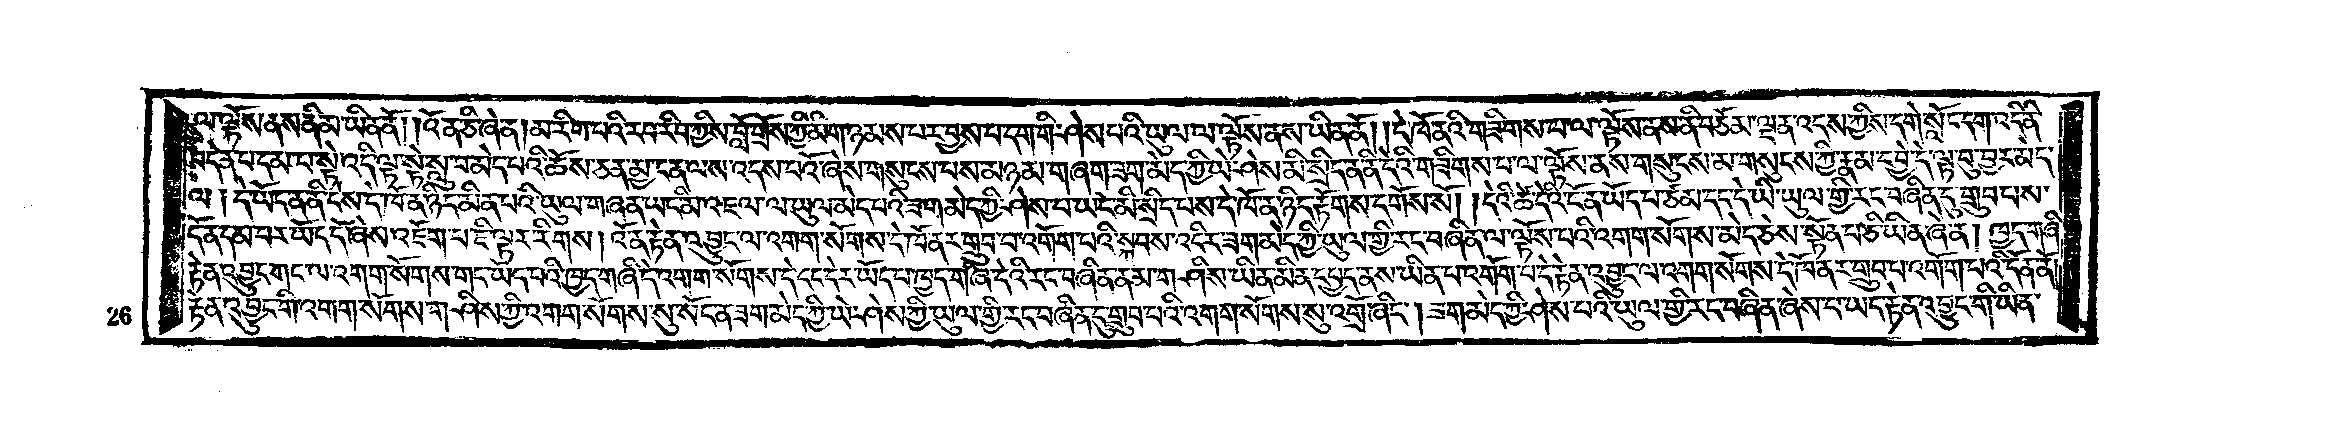ལ་ལྟོས་ནས་ནི་མ་ཡིན་ནོ། །འོ་ན་ཅི་ཞེ་ན། མ་རིག་པའི་རབ་རིབ་ཀྱིས་བློ་གྲོས་ཀྱི་མིག་ཉམས་པར་བྱས་པ་དག་གི་ཤེས་པའི་ཡུལ་ལ་ལྟོས་ནས་ཡིན་ནོ། །དེ་ཁོ་ནའི་གཟིགས་པ་ལ་ལྟོས་ནས་ནི་བཅོམ་ལྡན་འདས་ཀྱིས་དགེ་སློང་དག་འདི་ནི་
བདེན་པ་དམ་པ་སྟེ་འདི་ལྟ་སྟེ་སླུ་བ་མེད་པའི་ཆོས་ཅན་མྱ་ངན་ལས་འདས་པའོ་ཞེས་གསུངས་པས་མཉམ་གཞག་ཟག་མེད་ཀྱི་ཡེ་ཤེས་མི་སྲིད་ན་ནི་དེའི་གཟིགས་པ་ལ་ལྟོས་ནས་གསུངས་མ་གསུངས་ཀྱི་རྣམས་དབྱེ་དེ་ལྟ་བུ་བྱར་མེད་
ལ། དེ་ཡོད་ན་ནི་དེས་དེ་ཁོ་ན་ཉིད་མིན་པའི་ཡུལ་གཞན་ཡང་མི་འཇལ་ལ་ཡུལ་མེད་པའི་ཟག་མེད་ཀྱི་ཤེས་པ་ཡང་མི་སྲིད་པས་དེ་ཁོ་ན་ཉིད་རྟོགས་དགོས་སོ། །དེའི་ཚེ་དེའི་ངོ་ན་ཡོད་པ་ཙམ་དང་དེ་ཡི་ཡུལ་གྱི་རང་བཞིན་དུ་གྲུབ་པས་
དོན་དམ་པར་ཡོད་དོ་ཞེས་འཇོག་པ་ཇི་ལྟར་རིགས། འོ་ན་རྟེན་འབྱུང་ལ་འགག་སོགས་དེ་ཁོ་ནར་གྲུབ་པ་འགོག་པའི་སྐབས་འདིར་ཟག་མེད་ཀྱི་ཡུལ་གྱི་རང་བཞིན་ལ་ལྟོས་པའི་འགག་སོགས་མེད་ཅེས་སྟོན་པ་ཅི་ཡིན་ཞེ་ན། ཁྱད་གཞི་
རྟེན་འབྱུང་ཀྱང་ལ་འགག་སོགས་གང་ཡོད་པའི་ཁྱད་གཞི་དེ་འགག་སོགས་དེ་དང་དེར་ཡོད་པ་ཁྱད་གཞི་དེའི་རང་བཞིན་ནམ་གཤིས་ཡིན་མིན་དཔྱད་ནས་ཡིན་པ་འགོག་པ་དེ་རྟེན་འབྱུང་ལ་འགག་སོགས་དེ་ཁོ་ནར་གྲུབ་པ་འགག་པའི་དོན་ནོ་
རྟེན་འབྱུང་གི་འགག་སོགས་གཤིས་ཀྱི་འགག་སོགས་སུ་སོང་ན་ཟག་མེད་ཀྱི་ཡེ་ཤེས་ཀྱི་ཡུལ་གྱི་རང་བཞིན་དུ་གྲུབ་པའི་འགག་སོགས་སུ་འགྲོ་ཞིང་། ཟག་མེད་ཀྱི་ཤེས་པའི་ཡུལ་གྱི་རང་བཞིན་ཞེས་པ་ཡང་རྟེན་འབྱུང་གི་ཡིན་